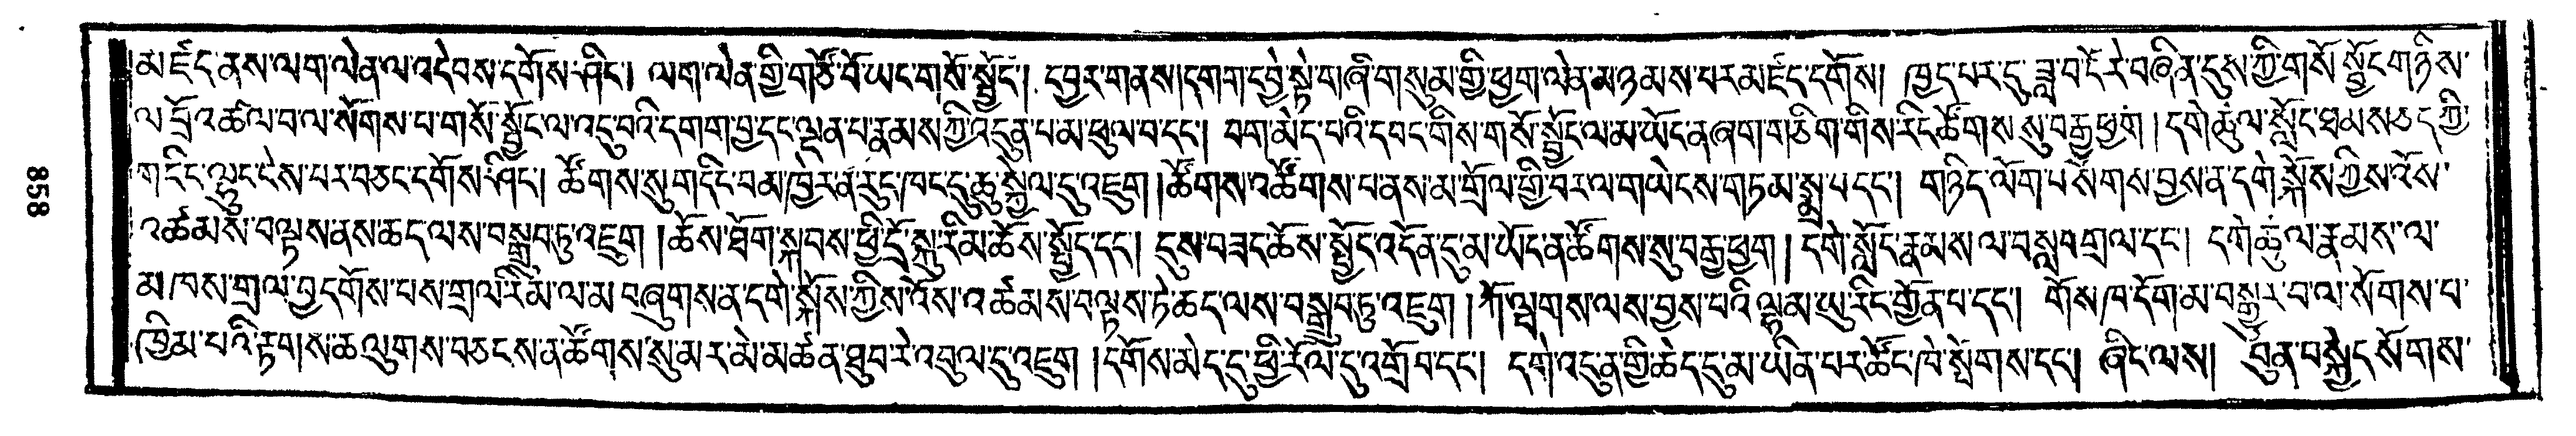མཛད་ནས་ལག་ལེན་ལ་འདེབས་དགོས་ཤིང་། ལག་ལེན་གྱི་གཙོ་བོ་ཡང་གསོ་སྦྱོང་། དབྱར་གནས། དགག་དབྱེ་སྟེ་གཞི་གསུམ་གྱི་ཕྱག་ལེན་མ་ཉམས་པར་མཛད་དགོས། ཁྱད་པར་དུ་ཟླ་བ་ངོ་རེ་བཞིན་དུས་ཀྱི་གསོ་སྦྱོང་གཉིས་
ལ་བྲོ་འཚལ་བ་ལ་སོགས་པ་གསོ་སྦྱོང་ལ་འདུ་བའི་དགག་བྱ་དང་ལྡན་པ་རྣམས་ཀྱི་འདུན་པ་མ་ཕུལ་བ་དང་། བག་མེད་པའི་དབང་གིས་གསོ་སྦྱོང་ལ་མ་ཡོང་ན་ཞག་གཅིག་གིས་རིང་ཚོགས་སུ་བརྒྱ་ཕྱག །དགེ་ཚུལ་སློང་ཐམས་ཅད་ཀྱི་
གདིང་ལྷུང་ངེས་པར་བཅང་དགོས་ཤིང་། ཚོགས་སུ་གདིང་བ་མ་ཁྱེར་ན་རུང་ཁང་དུ་ཆུ་སྐྱེལ་དུ་འཇུག །ཚོགས་འཚོགས་པ་ནས་མ་གྲོལ་གྱི་བར་ལ་གཡེངས་གཏམ་སྨྲ་བ་དང་། གཉིད་ལོག་པ་སོགས་བྱས་ན་དགེ་སྐོས་ཀྱིས་འོས་
འཚམས་བལྟས་ནས་ཆད་ལས་བསྒྲུབ་ཏུ་འཇུག །ཆོས་ཐོག་སྐབས་ཕྱི་དྲོ་སྐུ་རིམ་ཆོས་སྤྱོད་དང་། དུས་བཟང་ཆོས་སྤྱོད་འདོན་དུ་མ་ཡོང་ན་ཚོགས་སུ་བརྒྱ་ཕྱག །དགེ་སློང་རྣམས་ལ་བསླབ་གྲལ་དང་། དགེ་ཚུལ་རྣམས་ལ་
མཁས་གྲལ་བྱ་དགོས་པས་གྲལ་རིམ་ལ་མ་བཞུགས་ན་དགེ་སྐོས་ཀྱིས་འོས་འཚམས་བལྟས་ཏེ་ཆད་ལས་བསྒྲུབ་ཏུ་འཇུག །ཀོ་ཝགས་ལས་བྱས་པའི་ལྷ་མ་ཡུ་རིང་གྱོན་པ་དང་། གོས་ཁ་དོག་མ་བསྒྱུར་བ་ལ་སོགས་པ་
ཁྱིམ་པའི་རྟགས་ཆ་ལུགས་བཅངས་ན་ཚོགས་སུ་མར་མེ་མཚན་ཐུབ་རེ་འབུལ་དུ་འཇུག །དགོས་མེད་དུ་ཕྱི་རོལ་དུ་འགྲོ་བ་དང་། དགེ་འདུན་གྱི་ཆེད་དུ་མ་ཡིན་པར་ཚོང་ཁེ་སྤོགས་དང་། ཞིང་ལས། བུན་བསྐྱེད་སོགས་